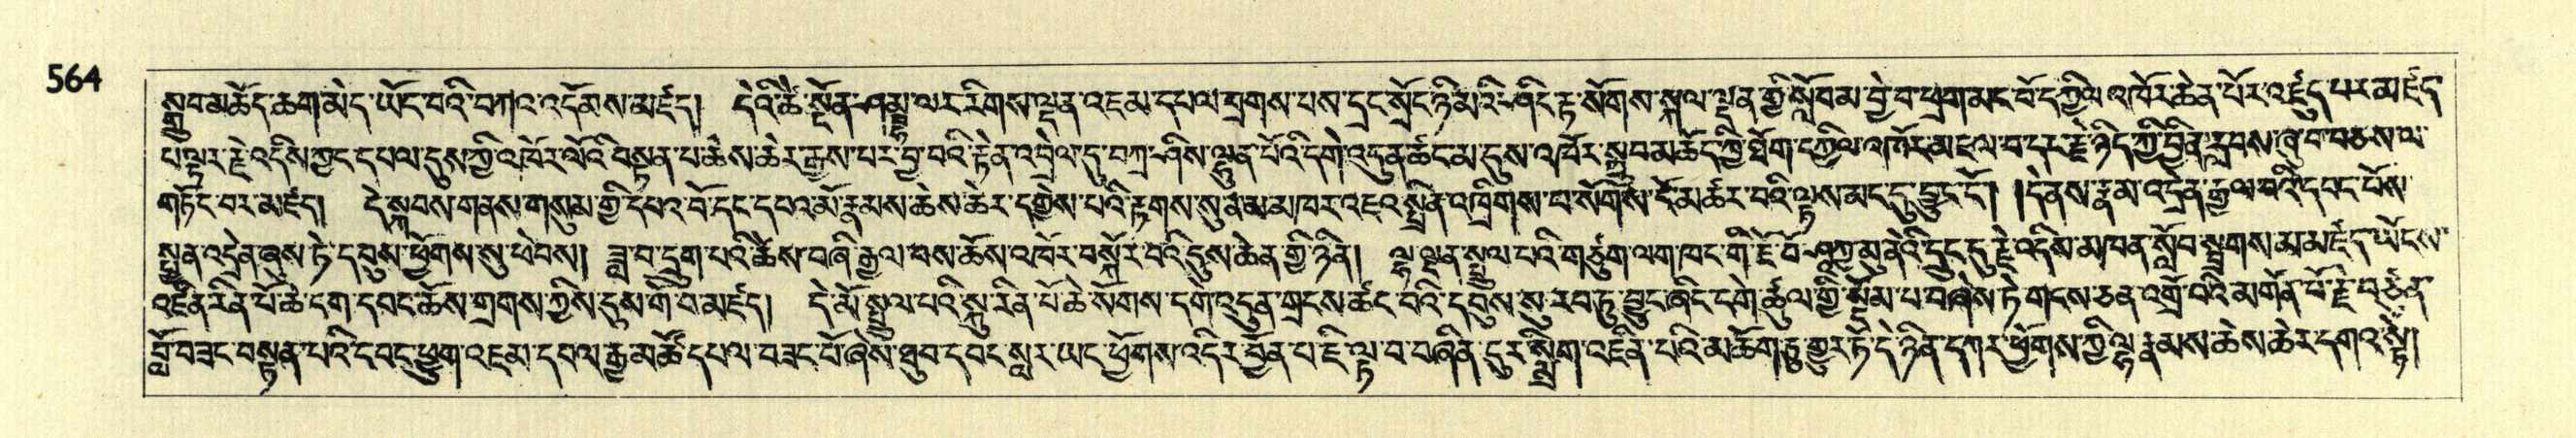སྒྲུབ་མཆོད་ཆག་མེད་ཡོང་བའི་བཀའ་འདོམས་མཛད། དེའི་ཚེ་སྔོན་ཤམྦྷ་ལར་རིགས་ལྡན་འཇམ་དཔལ་གྲགས་པས་དྲང་སྲོང་ཉི་མའི་ཤིང་རྟ་སོགས་སྐལ་ལྡན་གྱི་སློབ་མ་བྱེ་བ་ཕྲག་མང་བོ་དཀྱིལ་འཁོར་ཆེན་པོར་འཛུད་པར་མཛད་
པ་ལྟར་རྗེ་འདིས་ཀྱང་དཔལ་དུས་ཀྱི་འཁོར་ལོའི་བསྟན་པ་ཆེས་ཆེར་རྒྱས་པར་བྱ་བའི་རྟེན་འབྲེལ་དུ་བཀྲ་ཤིས་ལྷུན་པོའི་དགེ་འདུན་ཚང་མ་དུས་འཁོར་སྒྲུབ་མཆོད་ཀྱི་ཐོག་དཀྱིལ་འཁོར་མཇལ་བ་དང་རྗེ་ཉིད་ཀྱི་བྱིན་རླབས་ཞུ་བ་བཅས་ལ་
གཏོང་བར་མཛད། དེ་སྐབས་གནས་གསུམ་གྱི་དཔའ་བོ་དང་དཔའ་མོ་རྣམས་ཆེས་ཆེར་དགྱེས་པའི་རྟགས་སུ་ནམ་མཁར་འཇའ་སྤྲིན་འཁྲིགས་པ་སོགས་ངོ་མཚར་བའི་ལྟས་མང་དུ་བྱུང་ངོ། །དེ་ནས་རྣམ་འདྲེན་རྒྱལ་བའི་དབང་པོས་
སྤྱན་འདྲེན་ཞུས་ཏེ་དབུས་ཕྱོགས་སུ་ཕེབས། ཟླ་བ་དྲུག་པའི་ཚེས་བཞི་རྒྱལ་བས་ཆོས་འཁོར་བསྐོར་བའི་དུས་ཆེན་གྱི་ཉིན། ལྷ་ལྡན་སྤྲུལ་པའི་གཙུག་ལག་ཁང་གི་ཇོ་བོ་ཤཱཀྱ་མུ་ནེའི་དྲུང་དུ་རྗེ་འདིས་མཁན་སློབ་སྦྲགས་མ་མཛད་ཡོངས་
འཛིན་རིན་པོ་ཆེ་དག་དབང་ཆོས་གྲགས་ཀྱིས་དུས་གོ་བ་མཛད། དེ་མོ་སྤྲུལ་པའི་སྐུ་རིན་པོ་ཆེ་སོགས་དགེ་འདུན་གྲངས་ཚང་བའི་དབུས་སུ་རབ་ཏུ་བྱུང་ཞིང་དགེ་ཚུལ་གྱི་སྡོམ་པ་བཞེས་ཏེ་གངས་ཅན་འགྲོ་བའི་མགོན་པོ་རྗེ་བཙུན་
བློ་བཟང་བསྟན་པའི་དབང་ཕྱུག་འཇམ་དཔལ་རྒྱ་མཚོ་དཔལ་བཟང་པོ་ཞེས་ཐུབ་དབང་སླར་ཡང་ཕྱོགས་འདིར་བྱོན་པ་ཇི་ལྟ་བ་བཞིན་དུར་སྨྲིག་འཛིན་པའི་མཆོག་ཏུ་གྱུར་ཏོ་དེ་ཉིན་དཀར་ཕྱོགས་ཀྱི་ལྷ་རྣམས་ཆེས་ཆེར་དགའ་སྟེ།